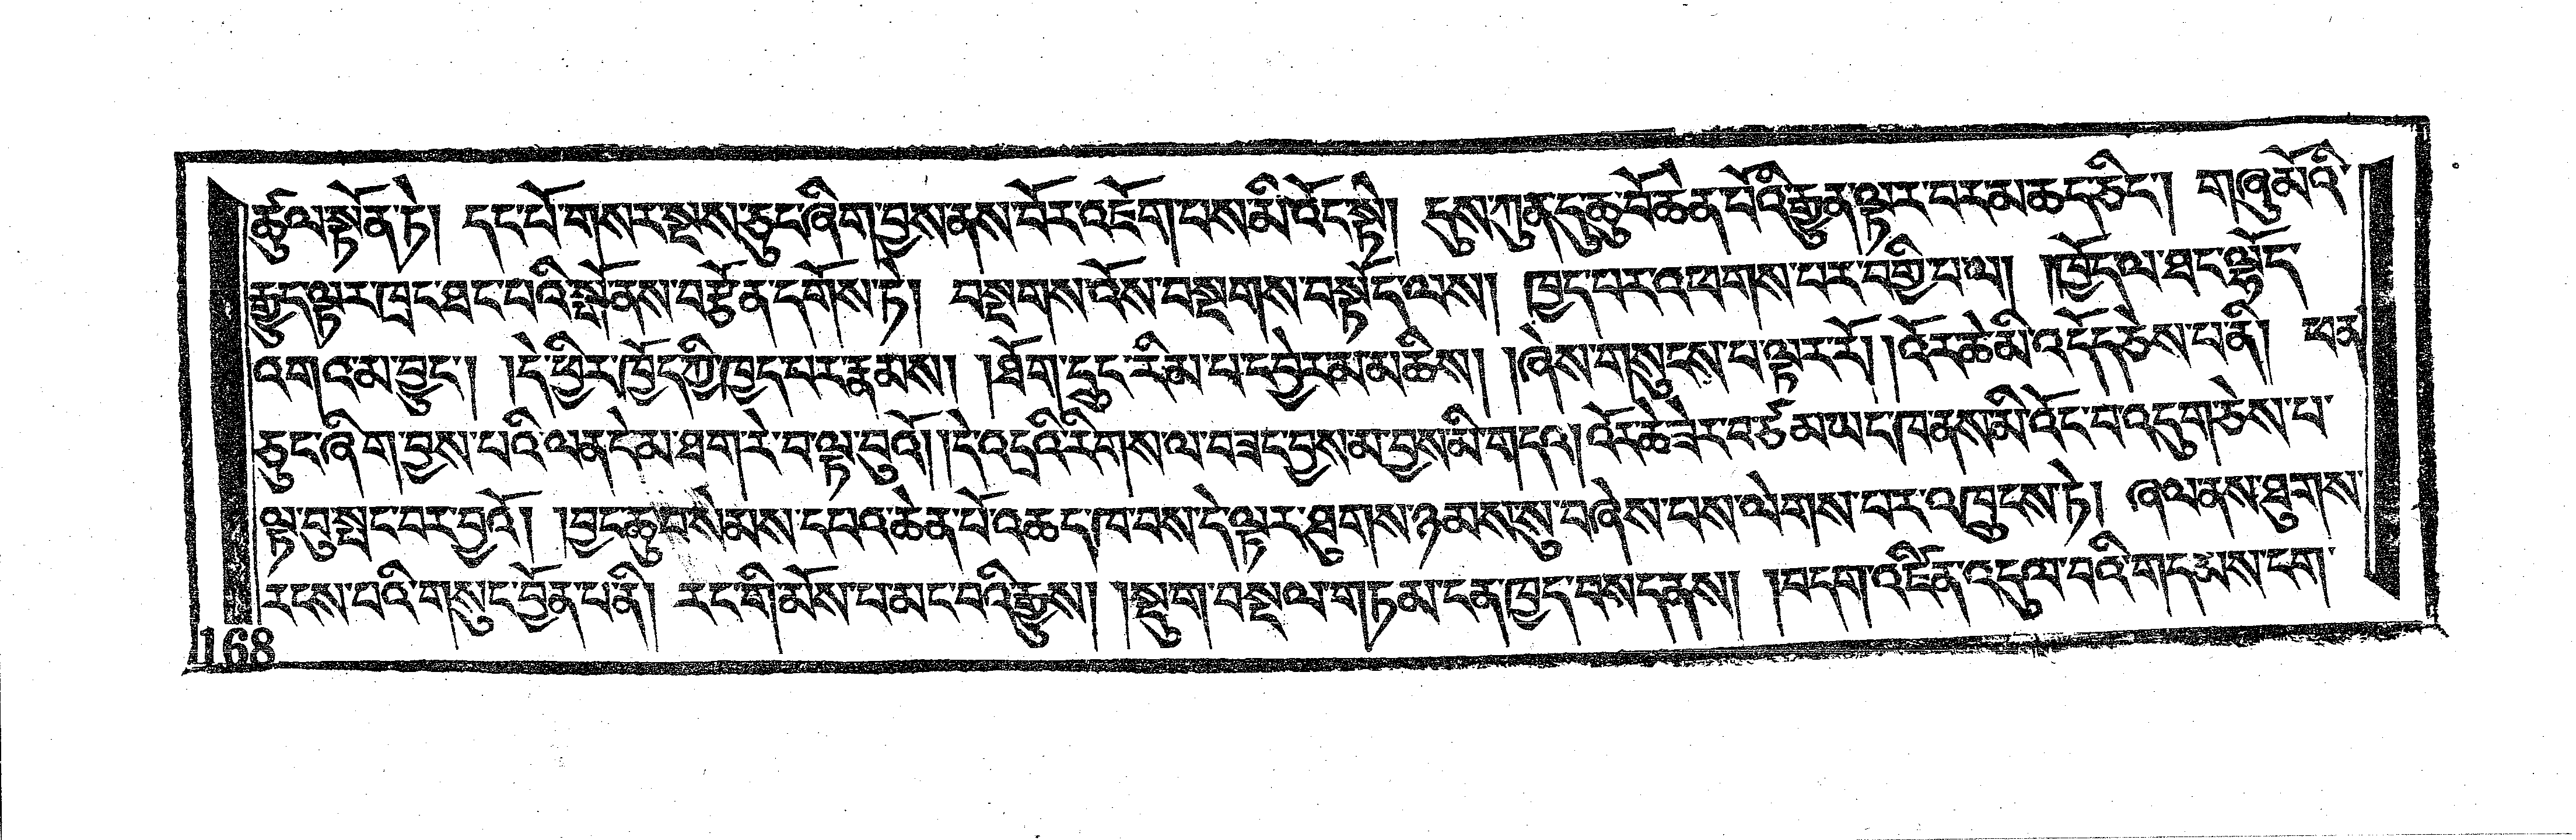ཚུལ་སྟོན་ཏེ། དང་པོ་གསར་སྔས་ཅུང་ཞིག་བྱས་ནས་བོར་འཇོག་པས་མི་འོང་སྟེ། དུས་ཀུན་དུ་ཆུ་བོ་ཆེན་པོའི་རྒྱུན་ལྟར་བར་མ་ཆད་ཅིང་། གཞུ་མོའི་
རྒྱུད་ལྟར་ཁྲང་ཐང་པའི་སྒོ་ནས་བརྩོན་དགོས་ཏེ། བསྔགས་འོས་བསྔགས་བསྟོད་ལས། ཁྱད་པར་འཕགས་པར་བགྱི་པ་ལ། །ཁྱོད་ལ་ཐང་ལྷོད་
འགའ་མ་བྱུང་། །དེ་ཕྱིར་ཁྱོད་ཀྱི་ཁྱད་པར་རྣམས། །ཐོག་དྲུང་རིམ་པ་དབྱེར་མ་མཆིས། །ཞེས་གསུངས་པ་ལྟར་རོ། །འོར་ཆེ་མི་འདོད་ཅེས་པ་ནི། ཕན་
ཅུང་ཞིག་བྱས་པའི་ལན་དེ་མ་ཐག་རེ་བ་ལྟ་བུའོ། །དེ་འདྲའི་རིགས་ལ་བཟང་བྱས་མ་བྱས་མི་གདའ། འོར་ཆེ་ཟེར་བ་ཙམ་ཡང་ཁ་ནས་མི་འོང་བ་འདུག་ཅེས་པ་
ལྟ་བུ་སྤང་བར་བྱའོ། །བྱང་ཆུབ་སེམས་དཔའ་ཆེན་པོ་འཆད་ཁ་བས་དེ་ལྟར་ཐུགས་ཉམས་སུ་བཞེས་པས་ལེགས་པར་འཁྲུངས་ཏེ། ཞལ་ནས་ཐུགས་
རངས་པའི་གསུང་བྱོན་པ་ནི། རང་གི་མོས་པ་མང་བའི་རྒྱུས། །སྡུག་བསྔལ་གཏམ་ངན་ཁྱད་བསད་ནས། །བདག་འཛིན་འདུལ་བའི་གདམས་ངག་